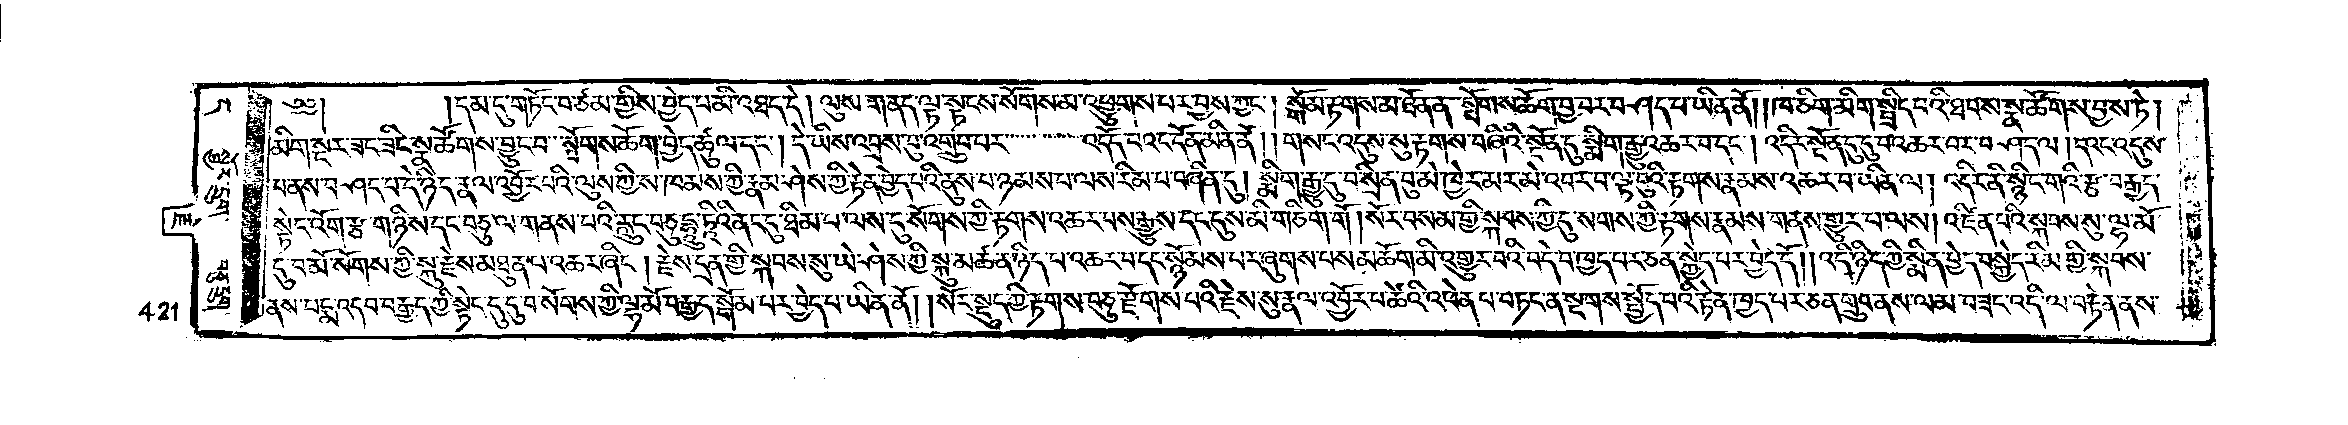༄༅། །དམ་དུ་གཏོང་བ་ཙམ་གྱིས་བྱེད་པ་མི་འཐད་དེ། ལུས་གནད་ལྟ་སྟངས་སོགས་མ་འཕྱུགས་པར་བྱས་ཀྱང་། སྒོམ་རྟགས་མ་ཐོན་ན་སྤོགས་ཆོག་བྱ་བར་བཤད་པ་ཡིན་ནོ། །ཁ་ཅིག་མིག་སྦྲིད་པའི་ཐབས་སྣ་ཚོགས་བྱས་ཏེ།
མིག་སྔར་ཟང་ཟིང་སྣ་ཚོགས་བྱུང་བ་སྤོགས་ཆོག་བྱེད་ཚུལ་དང་། དེ་ཡིས་འབྲས་བུ་འགྲུབ་པར་འདོད་པའང་དོན་མིན་ནོ། །གསང་འདུས་སུ་རྟགས་བཞིའི་སྔོན་དུ་སྨིག་རྒྱུ་འཆར་བ་དང་། འདིར་སྔོན་དུ་དུ་བ་འཆར་བར་བཤད་ལ། དེའང་འདུས་
པ་ནས་བཤད་པ་དེ་ཉིད་རྣལ་འབྱོར་པའི་ལུས་ཀྱི་ས་ཁམས་ཀྱི་རྣམ་ཤེས་ཀྱི་རྟེན་བྱེད་པའི་ནུས་པ་ཉམས་པ་ལས་རིམ་པ་བཞིན་དུ། སྨིག་རྒྱུ་དུ་བ་སྲིན་བུ་མེ་ཁྱེར་མར་མེ་འབར་བ་ལྟ་བུའི་རྟགས་རྣམས་འཆར་བ་ཡིན་ལ། འདིར་ནི་སྙིང་གའི་རྩ་བརྒྱད་
སྟེང་འོག་རྩ་གཉིས་དང་བཅུ་ལ་གནས་པའི་རླུང་བཅུ་དྷཱུ་ཏཱིའི་ནང་དུ་ཐིམ་པ་ལས་དུ་སོགས་ཀྱི་རྟགས་འཆར་བས་རྒྱུས་དང་དུས་མི་གཅིག་གོ །སོར་བསམ་གྱི་སྐབས་ཀྱི་དུ་སགས་ཀྱི་རྟགས་རྣམས་གནས་གྱུར་བ་ལས། འཛིན་པའི་སྐབས་སུ་ལྷ་མོ་
དུ་བ་མོ་སོགས་ཀྱི་སྐུ་རྗེས་མཐུན་པ་འཆར་ཞིང་། རྗེས་དྲན་གྱི་སྐབས་སུ་ཡེ་ཤེས་ཀྱི་སྐུ་མཚན་ཉིད་པ་འཆར་བ་དང་སྙོམས་པར་ཞུགས་པས་མཆོག་མི་འགྱུར་བའི་བདེ་བ་ཁྱད་པར་ཅན་སྐྱེད་པར་བྱེད་དོ། །འདི་ཉིད་ཀྱི་སྨིན་བྱེད་བསྐྱེད་རིམ་གྱི་སྐབས་
ནས་པདམ་འདབ་བརྒྱད་ཀྱི་སྟེང་དུ་དུ་བ་སོགས་ཀྱི་ལྷ་མོ་བརྒྱད་སྒོམ་པར་བྱེད་པ་ཡིན་ནོ། །སོར་སྡུད་ཀྱི་རྟགས་བཅུ་རྫོགས་པའི་རྗེས་སུ་རྣལ་འབྱོར་པ་ཚེའི་འཕེན་པ་བཏང་ན་སྔགས་སྤྱོད་པའི་རྟེན་ཁྱད་པར་ཅན་གྲུབ་ནས་ལམ་བཟང་འདི་ལ་བརྟེན་ནས་